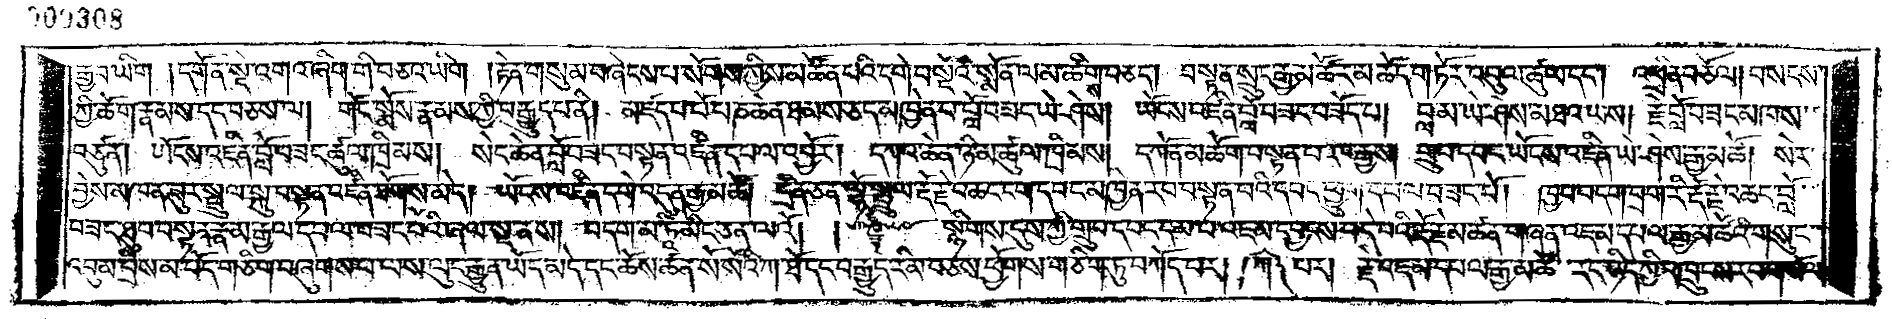རྒྱབ་ཡིག །དགོན་སྡེ་འགའ་ཞིག་གི་བཅའ་ཡིག །རྟེན་གསུམ་བཞེངས་པ་སོགས་ཀྱིས་མཚོན་པའི་དགེ་བསྔོའི་སྨོན་ལམ་ཚིགས་བཅད། བསྟན་སྲུང་རྒྱ་མཚོར་མཆོད་གཏོར་འབུལ་ཚུལ་དང་། འཕྲིན་བཅོལ། བསངས་
ཀྱི་ཆོ་ག་རྣམས་དང་བཅས་ལ། གོང་སྨོས་རྣམས་ཀྱི་བརྒྱུད་པ་ནི། མཛད་པ་པོ་པཎ་ཆེན་ཐམས་ཅད་མཁྱེན་པ་བློ་བཟང་ཡེ་ཤེས། ཡོངས་འཛིན་བློ་བཟང་བཟོད་པ། བླ་མ་ཡེ་ཤེས་མཐའ་ཡས། རྗེ་བློ་བཟང་མཁས་
བཙུན། ཡོངས་འཛིན་བློ་བཟང་ཚུལ་ཁྲིམས། སེང་ཆེན་བློ་བཟང་བསྟན་འཛིན་དཔལ་འབྱོར། དཀའ་ཆེན་ཉི་མ་ཚུལ་ཁྲིམས། དཀོན་མཆོག་བསྟན་པ་རབ་རྒྱས། གྲུབ་དབང་ཡོངས་འཛིན་ཡེ་ཤེས་རྒྱ་མཚོ། སེར་
བྱེས་མཁན་ཟུར་སྤྲུལ་སྐུ་བསྟན་འཛིན་ཐོགས་མེད། ཡོངས་འཛིན་དགེ་འདུན་རྒྱ་མཚོ། དྲིན་ཅན་ལྷོ་སྤྲུལ་རྡོ་རྗེ་འཆང་ངག་དབང་མཁྱེན་རབ་བསྟན་པའི་དབང་ཕྱུག་དཔལ་བཟང་པོ། ཁྱབ་བདག་བྲག་རི་རྡོ་རྗེ་འཆང་བློ་
བཟང་ཐུབ་བསྟན་རྣམ་རྒྱལ་དཔལ་བཟང་པོའི་ཞལ་སྔ་ནས། བདག་མ་ཏཱི་མིང་ཅན་ལའོ། །༈ སྙིགས་དུས་ཀྱི་གྲུབ་དབང་དམ་པ་འཇམ་དབྱངས་བདེ་བའི་རྡོ་རྗེ་མཚན་གཞན་འཇམ་དཔལ་རྒྱ་མཚོའི་གསུང་
འབུམ་བྲིས་མ་པོད་གཅིག་བཞུགས་པ་ལས་ལུང་རྒྱུན་ཡོད་མེད་དང་ཆོས་ཚན་སོ་སོའི་ཀ་ཐོ་དང་བརྒྱུད་རིམ་བཅས་ཕྱོགས་གཅིག་ཏུ་བཀོད་པར། ༼ཀ༽ པར། རྗེ་འཇམ་དཔལ་རྒྱ་མཚོ་རང་ཉིད་ཀྱི་འཁྲུངས་རབ་གསོལ་